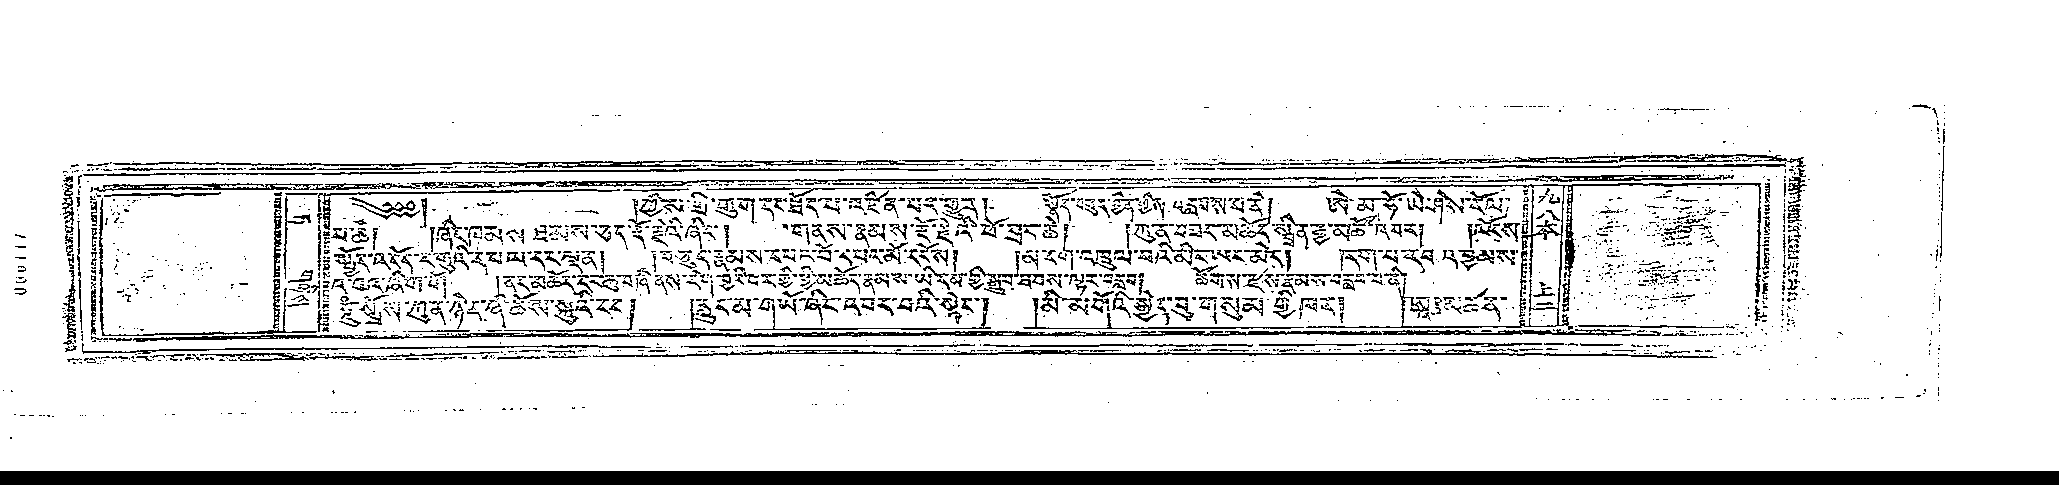༄༅༅། །ཀྱིས་གྲི་གུག་དང་ཐོད་པ་འཛིན་པར་གྱུར། སྣོད་བཅུད་བྱིན་གྱིས་བརླབས་པ་ནི། ཨེ་མ་ཧོ་ཡེ་ཤེས་རོལ་
པ་ཆེ། །ཞིང་ཁམས་ཐམས་ཅད་རྡོ་རྗེའི་ཞིང་། །གནས་རྣམས་རྡོ་རྗེའི་ཕོ་བྲང་ཆེ། །ཀུན་བཟང་མཆོད་སྤྲིན་རྒྱ་མཚོ་འབར། །ལོངས་
སྤྱོད་འདོད་དགུའི་དཔལ་དང་ལྡན། །བཅུད་རྣམས་དཔའ་བོ་དཔའ་མོ་དངོས། །མ་དག་འཁྲུལ་བའི་མིང་ཡང་མེད། །དག་པ་རབ་འབྱམས་
འབའ་ཞིག་གོ །ནང་མཆོད་དང་ཆུ་བཞི་ནས་རག་བྱའི་བར་གྱི་ཕྱི་མཆོད་རྣམས་ཡི་དམ་གྱི་སྒྲུབ་ཐབས་ལྟར་བརླབ། ཚོགས་རྫས་རྣམས་བརླབ་པ་ནི།
ཧཱུཾ་སྤྲོས་ཀུན་ཉེར་ཞི་ཆོས་སྐུའི་དང་། །རླུང་མེ་གཡོ་ཞིང་འབར་བའི་སྟེང་། །མི་མགོའི་སྐྱིད་བུ་གསུམ་གྱི་ཁར། །ཨཱཿ་མཚན་